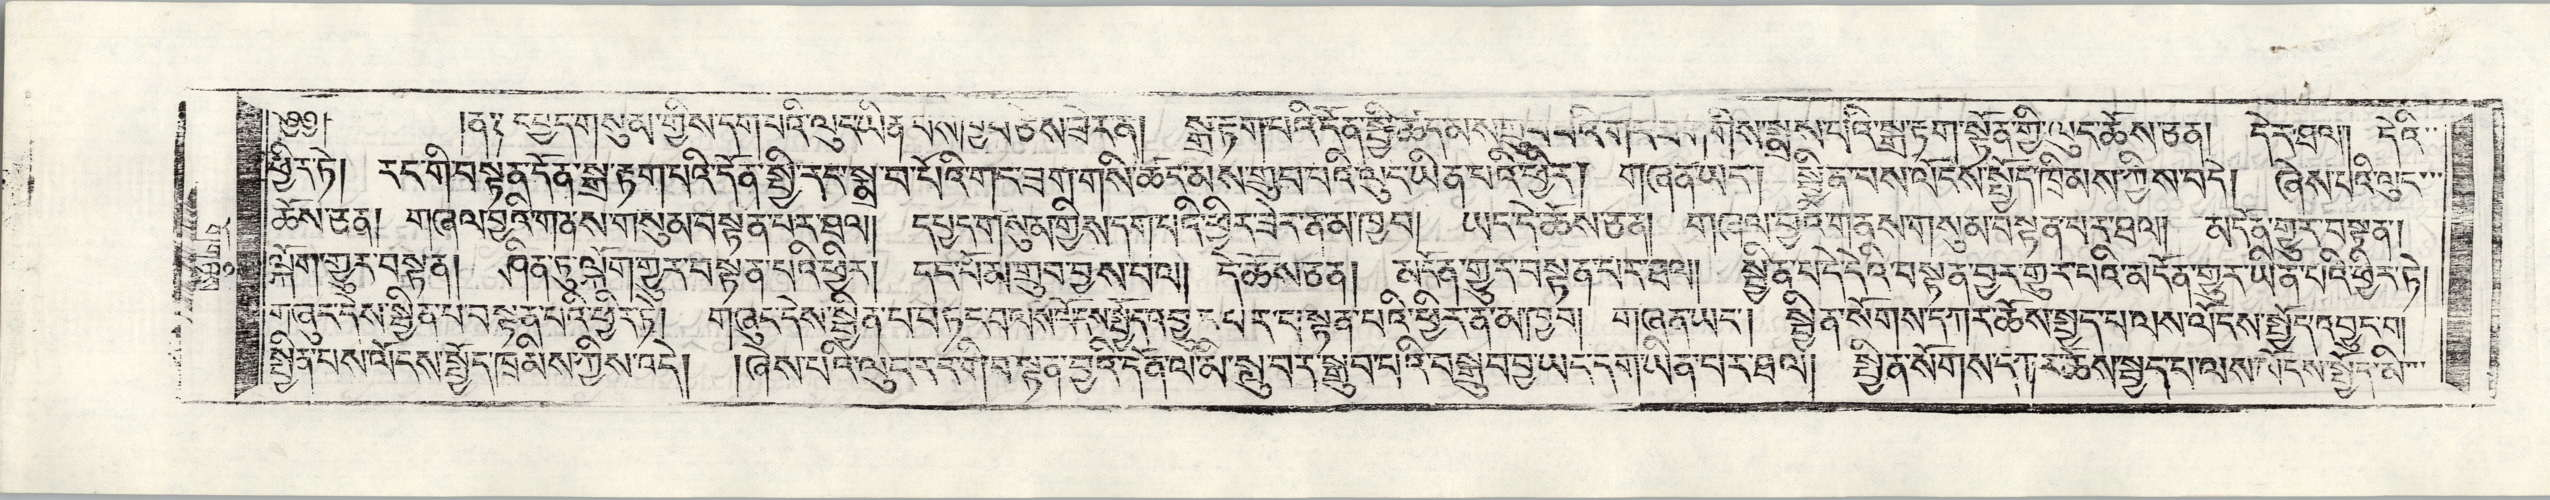༄༅། །ན། དཔྱད་གསུམ་གྱིས་དག་པའི་ལུང་ཡིན་པས་ཁྱབ་ཅེས་ཟེར་ན། སྒྲ་རྟག་པའི་དོན་སྤྱི་ཚད་མས་གྲུབ་པའི་གང་ཟག་གིས་སྨྲས་པའི་སྒྲ་རྟག་སྟོན་གྱི་ལུང་ཆོས་ཅན། དེར་ཐལ། དེའི་
ཕྱིར་ཏེ། རང་གི་བསྟན་དོན་སྒྲ་རྟག་པའི་དོན་སྤྱི་རང་སྨྲ་བ་བོའི་གང་ཟག་གིས་ཚད་མས་གྲུབ་པའི་ལུང་ཡིན་པའི་ཕྱིར། གཞན་ཡང་། སྦྱིན་པས་ལོངས་སྤྱོད་ཁྲིམས་ཀྱིས་བདེ། ཞེས་པའི་ལུང་
ཆོས་ཅན། གཞལ་བྱའི་གནས་གསུམ་བསྟན་པར་ཐལ། དཔྱད་གསུམ་གྱིས་དག་པའི་ཕྱིར་ཟེར་ན་མ་ཁྱབ། ཡང་དེ་ཆོས་ཅན། གཞལ་བྱའི་གནས་གསུམ་བསྟན་པར་ཐལ། མངོན་གྱུར་བསྟན།
ལྐོག་གྱུར་བསྟན། ཤིན་ཏུ་ལྐོག་གྱུར་བསྟན་པའི་ཕྱིར། དང་པོ་མ་གྲུབ་བྱས་པ་ལ། དེ་ཆོས་ཅན། མངོན་གྱུར་བསྟན་པར་ཐལ། སྦྱིན་པ་དེ་དེའི་བསྟན་བྱར་གྱུར་པའི་མངོན་གྱུར་ཡིན་པའི་ཕྱིར་ཏེ།
གཞུང་དེས་སྦྱིན་པ་བསྟན་པའི་ཕྱིར་ཏེ། གཞུང་དེས་སྦྱིན་པ་བཏང་བ་ལས་ལོངས་སྤྱོད་འབྱུང་བར་བསྟན་པའི་ཕྱིར་ན་མ་ཁྱབ། གཞན་ཡང་། སྦྱིན་སོགས་དཀར་ཆོས་སྤྱད་པ་ལས་ལོངས་སྤྱོད་འབྱུང་བ།
སྦྱིན་པས་ལོངས་སྤྱོད་ཁྲིམས་ཀྱིས་བདེ། །ཞེས་པའི་ལུང་རང་གི་བསྟན་བྱའི་དོན་ལ་མི་སླུ་བར་སྒྲུབ་པའི་བསྒྲུབ་བྱ་ཡང་དག་ཡིན་པར་ཐལ། སྦྱིན་སོགས་དཀར་ཆོས་སྤྱད་པ་ལས་ལོངས་སྤྱོད་མི་